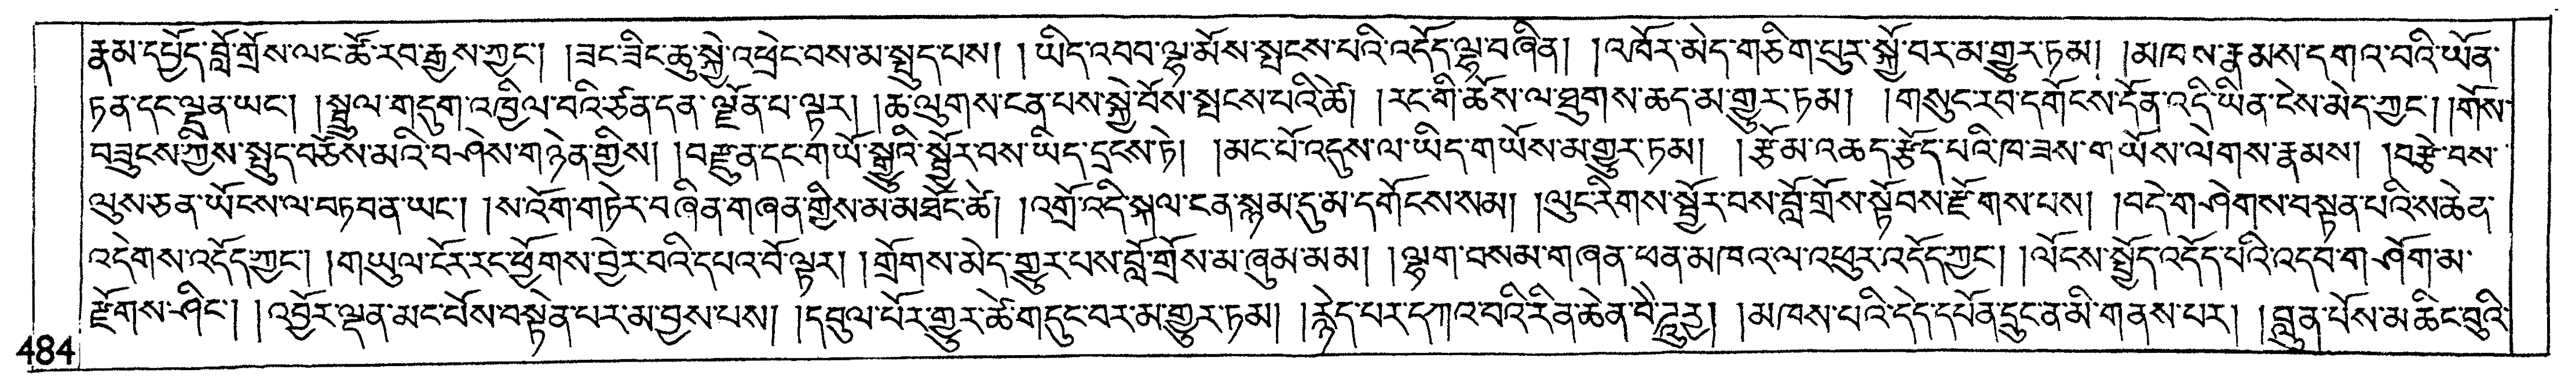རྣམ་དཔྱོད་བློ་གྲོས་ལང་ཚོ་རབ་རྒྱས་ཀྱང་། །ཟང་ཟིང་ཆུ་སྐྱེ་འཕྲེང་བས་མ་སྤུད་པས། །ཡིད་འབབ་ལྷ་མོས་སྤངས་པའི་འདོད་ལྷ་བཞིན། །འཁོར་མེད་གཅིག་པུར་སྐྱོ་བར་མ་གྱུར་ཏམ། །མཁས་རྣམས་དགའ་བའི་ཡོན་
ཏན་དང་ལྡན་ཡང་། །སྦྲུལ་གདུག་འཁྱིལ་བའི་ཙན་དན་ལྗོན་པ་ལྟར། །ཆ་ལུགས་ངན་པས་སྐྱེ་བོས་སྤངས་པའི་ཚེ། །རང་གི་ཆོས་ལ་ཐུགས་ཆད་མ་གྱུར་ཏམ། །གསུང་རབ་དགོངས་དོན་འདི་ཡིན་ངེས་མེད་ཀྱང་། །གོས་
བཟུངས་ཀྱིས་སྤུད་བཅོས་མའི་བཤེས་གཉེན་གྱིས། །བརྫུན་དང་གཡོ་སྒྱུའི་སྦྱོར་བས་ཡིད་དྲངས་ཏེ། །མང་པོ་འདུས་ལ་ཡིད་གཡོས་མ་གྱུར་ཏམ། །རྩོམ་འཆད་རྩོད་པའི་ཁ་ཟས་གཡོས་ལེགས་རྣམས། །བརྩེ་བས་
ལུས་ཅན་ཡོངས་ལ་བཏབ་ན་ཡང་། །ས་འོག་གཏེར་བཞིན་གཞན་གྱིས་མ་མཐོང་ཚེ། །འགྲོ་འདི་སྐལ་ངན་སྙམ་དུ་མ་དགོངས་སམ། །ལུང་རིགས་སྦྱོར་བས་བློ་གྲོས་སྟོབས་རྫོགས་པས། །བདེ་གཤེགས་བསྟན་པའི་ས་ཆེན་
འདེགས་འདོད་ཀྱང་། །གཡུལ་ངོར་རང་ཕྱོགས་བྱེར་བའི་དཔའ་བོ་ལྟར། །གྲོགས་མེད་གྱུར་པས་བློ་གྲོས་མ་ཞུམ་མམ། །ལྷག་བསམ་གཞན་ཕན་མཁའ་ལ་འཕུར་འདོད་ཀྱང་། །ལོངས་སྤྱོད་འདོད་པའི་འདབ་གཤོག་མ་
རྫོགས་ཤིང་། །འབྱོར་ལྡན་མང་པོས་བསྟེན་པར་མ་བྱས་པས། །དབུལ་པོར་གྱུར་ཚེ་གདུང་བར་མ་གྱུར་ཏམ། །རྙེད་པར་དཀའ་བའི་རིན་ཆེན་བཻ་ཌཱུརྱ། །མཁས་པའི་དེད་དཔོན་དྲུང་ན་མི་གནས་པར། །བླུན་པོས་མཆིང་བུའི་